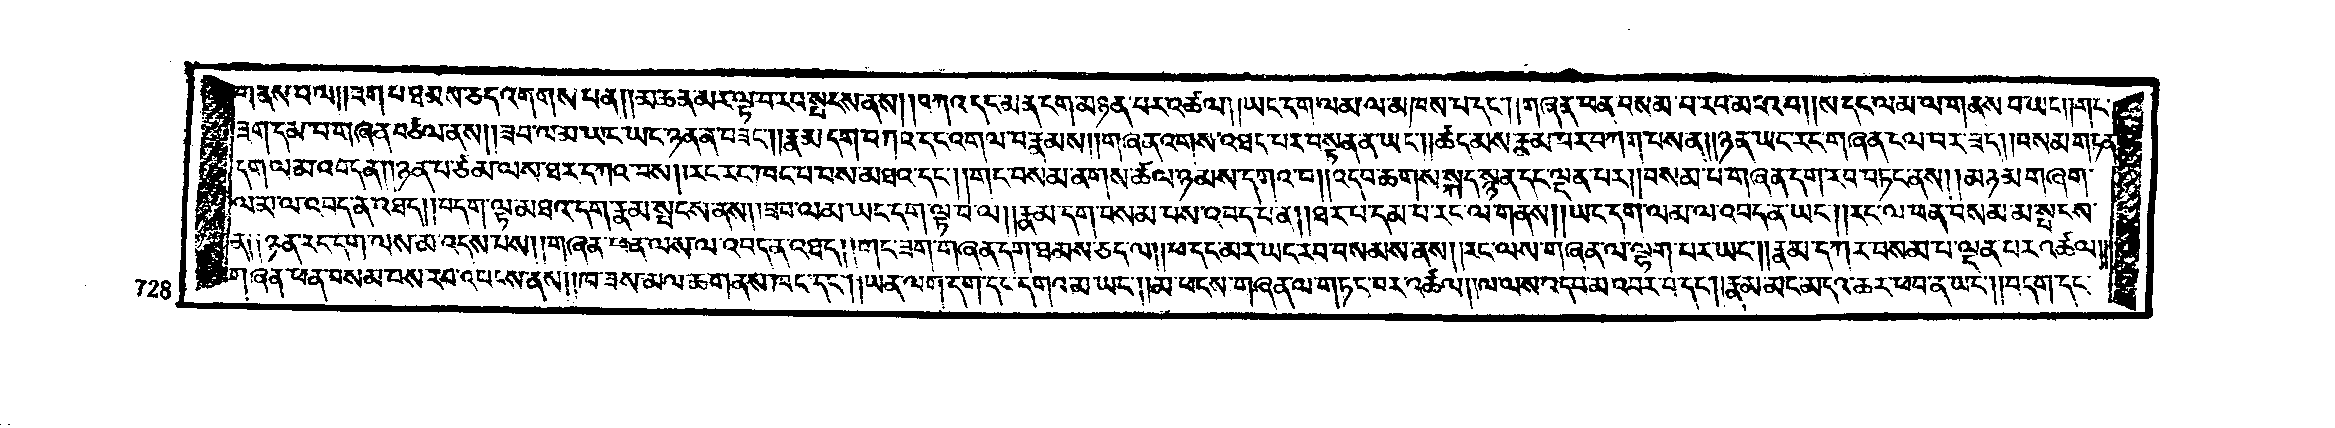གནས་པ་ལ། །ཟག་པ་ཐམས་ཅད་འགགས་པ་ན། །མཚན་མར་ལྟ་བ་རབ་སྤངས་ནས། །བཀའ་དང་མན་ངག་མཉན་པར་འཚལ། །ཡང་དག་ལམ་ལ་མཁས་པ་དང་། །གཞན་ཕན་བསམ་པ་རབ་མངའ་བ། །ས་དང་ལམ་ལ་གནས་པ་ཡང་། །གང་
ཟག་དམ་པ་གཞན་བཅལ་ནས། །ཟབ་ལམ་ཡང་ཡང་ཉན་ན་བཟང་། །རྣམ་དག་བཀའ་དང་འགལ་བ་རྣམས། །གཞན་འགས་འཐད་པར་བསྟན་ན་ཡང་། །ཚད་མས་རྣམ་པར་བཀག་པས་ན། །ཉན་ཡང་རབ་གཞན་ངལ་བར་ཟད། །བསམ་གཏན་
དག་ལ་མ་འབད་ན། །ཉན་པ་ཙམ་ལས་ཐར་དཀའ་བས། །རང་རང་ཁང་པ་བས་མཐའ་དང་། །གང་བསམ་ནགས་ཚལ་ཉམས་དགའ་བ། །འདབ་ཆགས་སྐད་སྙན་དང་ལྡན་པར། །བསམ་པ་གཞན་དག་རབ་བཏང་ནས། །མཉན་གཞག་
ལམ་ལ་འབད་ན་འཐད། །བདག་ལྟ་མཐའ་དག་རྣམ་སྤངས་ནས། །ཟབ་ལམ་ཡང་དག་ལྟ་བ་ལ། །རྣམ་དག་བསམ་པས་འབད་པ་ན། །ཐར་པ་དམ་པ་རང་ལ་གནས། །ཡང་དག་ལམ་ལ་འབད་ན་ཡང་། །རང་ལ་ཕན་བསམ་མ་སྤངས་
ན༑ ༑ཉན་རང་དག་ལས་མ་འདས་པས། །གཞན་ཕན་ལས་ལ་འབད་ན་འཐད། །གང་ཟག་གཞན་དག་ཐམས་ཅད་ལ། །ཕ་དང་མར་ཡང་རབ་བསམས་ནས། །རང་ལས་གཞན་ལ་ལྷག་པར་ཡང་། །རྣམ་དཀར་བསམ་པ་ལྡན་པར་འཚལ།།
གཞན་ཕན་བསམ་པས་རབ་འཕངས་ནས། །ཁ་ཟས་མལ་ཆ་གནས་ཁང་དང་། །ཡན་ལག་དག་དང་དགའ་མ་ཡང་། །མ་ཕངས་གཞན་ལ་གཏང་བར་འཚལ། །ལ་ལས་འདབ་མ་འབར་བ་དང་། །རྣམ་མང་མདའ་ཆར་ཕབ་ན་ཡང་། །བདག་དང་